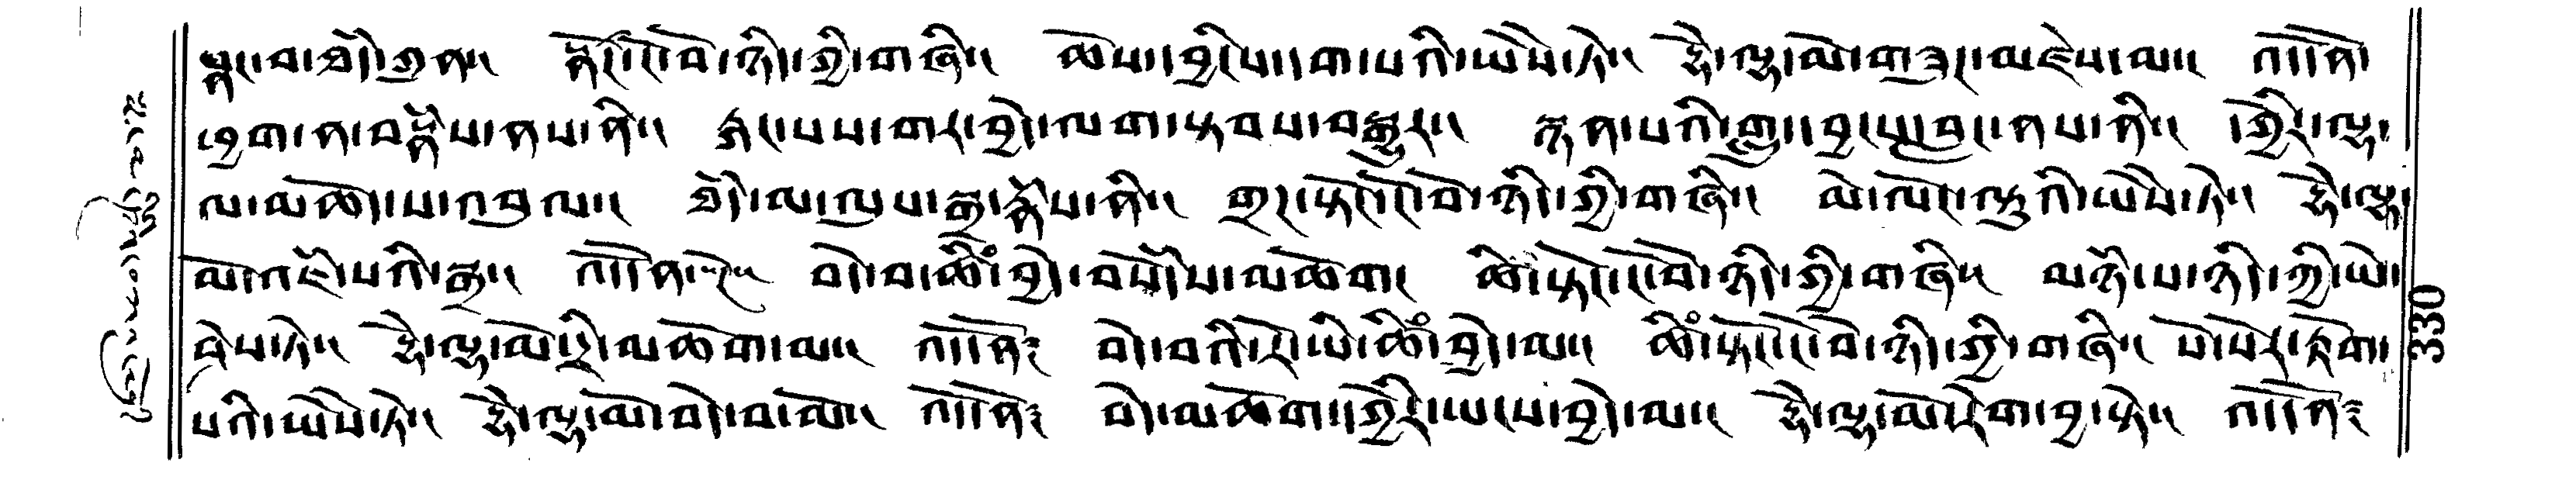སྣང་བ་ཐམས་ཅད་ཀུན། །སྣ་ཚོགས་ངོ་བོ་ཉིད་ཀྱི་གཞི། །ཆོས་དབྱིངས་དག་པའི་ཡེ་ཤེས་ཏེ། །རྡོ་རྗེ་ལྷ་མོ་གཟུགས་མཛེས་མ། འདོད་ཡོན་
ཕྱག་ན་བསྣམས་ནས་ནི། །རྐང་པས་གར་བྱེད་ལག་སྟབས་བསྒྱུར། །སྙན་པའི་གླུ་དབྱངས་བླང་ནས་ནི། །དཀྱིལ་འཁོར་ལྷ་
ལ་མཆོད་པ་འབུལ། །ཐམས་ཅད་མ་ལུས་སྒྲ་རྣམས་ནི། །གྲགས་སྟོང་ངོ་བོ་ཉིད་ཀྱི་གཞི། །མེ་ལོང་ལྟ་བུའི་ཡེ་ཤེས་ཏེ། །རྡོ་རྗེ་ལྷ་
མོ་འཇམ་པའི་སྒྲ། །འདོད་ཡོན་སོགས། བདེ་བ་ཚིམ་བྱེད་བསོད་ནམས་མཆོག །ཚིམ་སྟོང་ངོ་བོ་ཉིད་ཀྱི་གཞི། །མཉམ་པ་ཉིད་ཀྱི་ཡེ་
ཤེས་ཏེ། །རྡོ་རྗེ་ལྷ་མོ་དྲི་མཆོག་མ། འདོད་ཡོན༴ བདེ་བའི་རོ་ཡི་ཚིམ་བྱེད་མ། །ཚིམ་སྟོང་ངོ་བོ་ཉིད་ཀྱི་གཞི། །སོ་སོར་རྟོགས་
པའི་ཡེ་ཤེས་ཏེ། །རྡོ་རྗེ་ལྷ་མོ་བདེ་བ་མོ། འདོད་ཡོན༴ བདེ་མཆོག་དཀྱིལ་འཁོར་ཡངས་བྱེད་མ། །རྡོ་རྗེ་ལྷ་མོ་རེག་བྱ་སྟེ། །འདོད་ཡོན༴